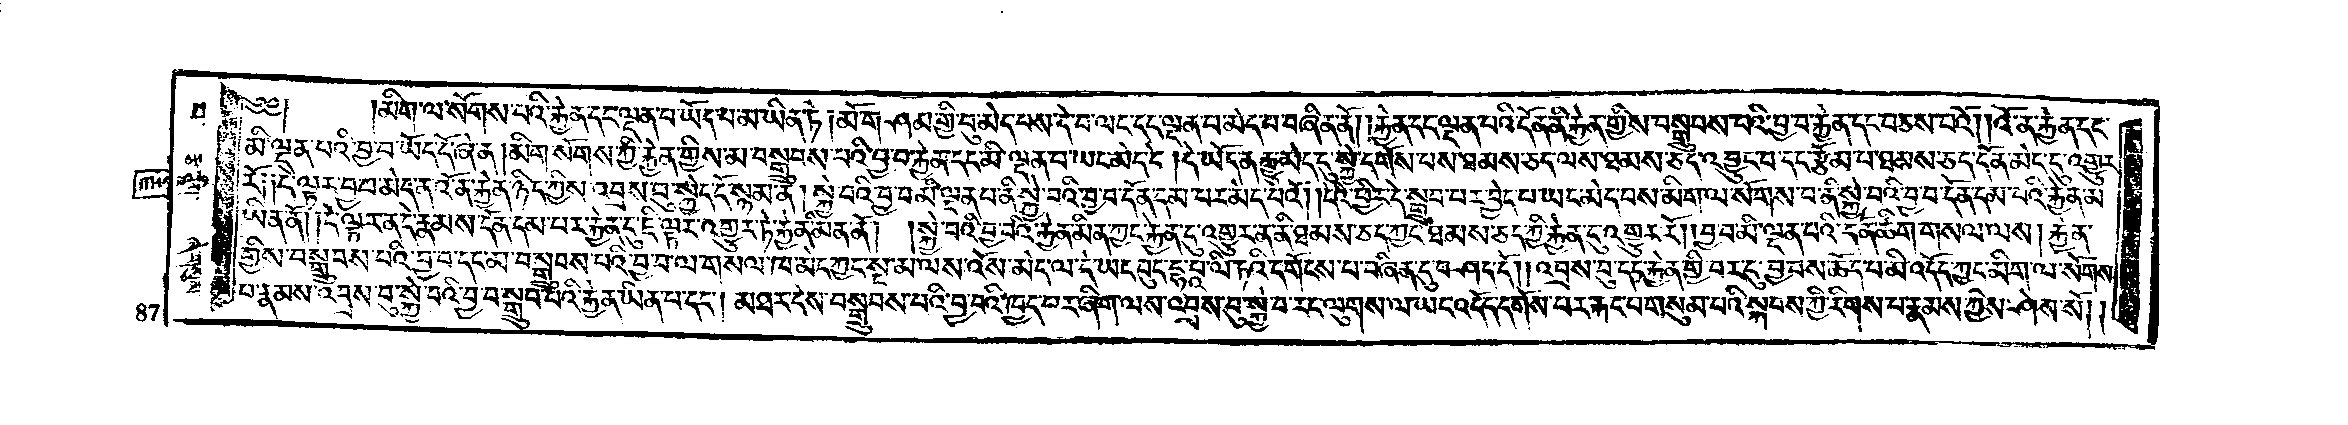༄༅། །མིག་ལ་སོགས་པའི་རྐྱེན་དང་ལྡན་པ་ཡོད་པ་མ་ཡིན་ཏེ། མོ་གཤམ་གྱི་བུ་མེད་པས་དེ་བ་ལང་དང་ལྡན་པ་མེད་པ་བཞིན་ནོ། །རྐྱེན་དང་ལྡན་པའི་དོན་ནི་རྐྱེན་གྱིས་བསྒྲུབས་པའི་བྱ་བ་རྐྱེན་དག་བཅས་པའོ། འོ་ན་རྐྱེན་དང་
མི་ལྡན་པའི་བྱ་བ་ཡོད་དོ་ཞེ་ན། མིག་སོགས་ཀྱི་རྐྱེན་གྱིས་མ་བསྒྲུབས་པའི་བྱ་བ་རྐྱེན་དང་མི་ལྡན་པ་ཡང་མེད་དེ། །དེ་ཡོད་ན་རྒྱུ་མེད་དུ་སྐྱེ་དགོས་པས་ཐམས་ཅད་ལས་ཐམས་ཅད་འབྱུང་བ་དང་རྩམ་པ་ཐམས་ཅད་དོན་མེད་དུ་འགྱུར་
རོ༑ ༑དེ་ལྟར་བྱ་བ་མེད་ན་འོ་ན་རྐྱེན་ཉིད་ཀྱིས་འབྲས་བུ་སྐྱེད་དོ་སྙམ་ན། སྐྱེ་བའི་བྱ་བ་མི་ལྡན་པ་ནི་སྐྱེ་བའི་བྱ་བ་དོན་དམ་པར་མེད་པའོ། །དེའི་ཕྱིར་དེ་སྒྲུབ་པར་བྱེད་པ་ཡང་མེད་པས་མིག་ལ་སོགས་པ་ནི་སྐྱེ་བའི་བྱ་བ་དོན་དམ་པའི་རྐྱེན་མ་
ཡིན་ནོ། །དེ་ལྟར་ན་དེ་རྣམས་དོན་དམ་པར་རྐྱེན་དུ་ཇི་ལྟར་འགྱུར་ཏེ་རྐྱེན་མིན་ནོ། །སྐྱེ་བའི་བྱ་བའི་རྐྱེན་མིན་ཀྱང་རྐྱེན་དུ་འགྱུར་ན་ནི་ཐམས་ཅད་ཀྱང་ཐམས་ཅད་ཀྱི་རྐྱེན་དུ་འགྱུར་རོ། །བྱ་བ་མི་ལྡན་པའི་དོན་ཚིག་གསལ་ལས། རྐྱེན་
གྱིས་བསྒྲུབས་པའི་བྱ་བ་དང་མ་བསྒྲུབས་པའི་བྱ་བ་ལ་གསལ་ཁ་མེད་ཀྱང་སྔ་མ་ལས་འོས་མེད་པ་དེ་ཡང་བུད་དྷ་པཱ་ལི་ཏའི་དགོངས་པ་བཞིན་དུ་བཤད་དོ། །འབྲས་བུ་དང་རྐྱེན་གྱི་བར་དུ་བྱ་བས་ཆོད་པ་མི་འདོད་ཀྱང་མིག་ལ་སོགས་
པ་རྣམས་འབྲས་བུ་སྐྱེ་བའི་བྱ་བ་སྒྲུབ་པའི་རྐྱེན་ཡིན་པ་དང་། མཐར་དེས་བསྒྲུབས་པའི་བྱ་བའི་ཁྱད་པར་ཞིག་ལས་འབྲས་བུ་སྐྱེ་བ་རང་ལུགས་ལ་ཡང་འདོད་དགོས་པར་རྐང་པ་གསུམ་པའི་སྐབས་ཀྱི་རིགས་པ་རྣམས་ཀྱིས་ཤེས་སོ། །